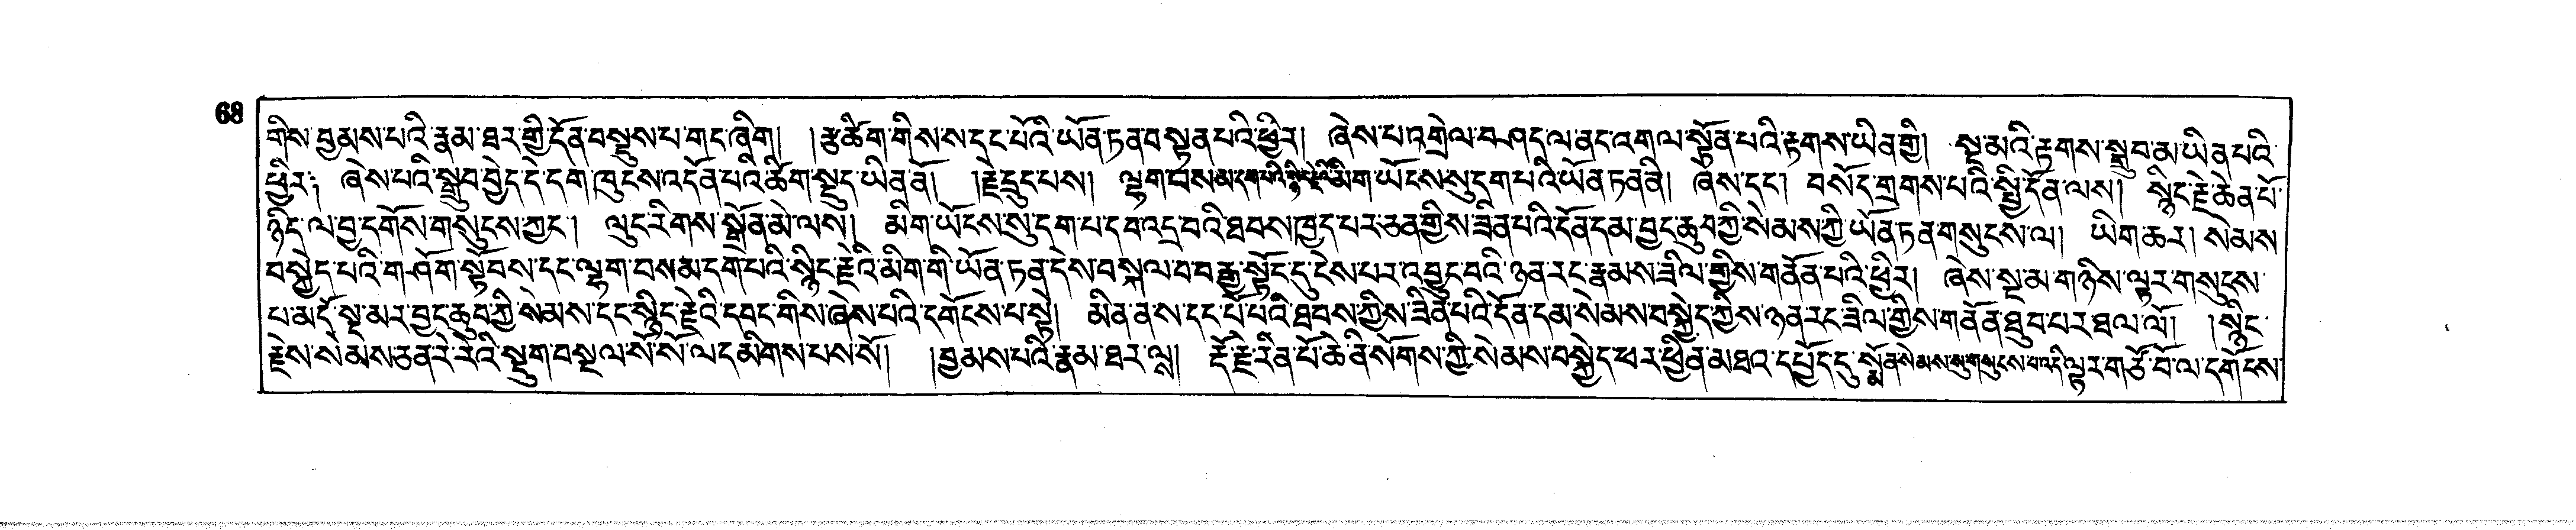གིས་བྱམས་པའི་རྣམ་ཐར་གྱི་དོན་བསྡུས་པ་གང་ཞིག། །རྩ་ཚིག་གིས་ས་དང་པོའི་ཡོན་ཏན་བསྟན་པའི་ཕྱིར། ཞེས་པ་འགྲེལ་བཤད་ལ་ནང་འགལ་སྟོན་པའི་རྟགས་ཡིན་གྱི། སྔ་མའི་རྟགས་སྒྲུབ་མ་ཡིན་པའི་
ཕྱིར༑ ཞེས་པའི་སྒྲུབ་བྱེད་དེ་དག་ཁུངས་འདོན་པའི་ཚིག་སྡུད་ཡིན་ནོ། །རྗེ་དྲུང་པས། ལྷག་བསམ་དག་པའི་སྙིང་རྗེའི་མིག་ཡོངས་སུ་དག་པའི་ཡོན་ཏན་ནི། ཞེས་དང་། བསོད་གྲགས་པའི་སྤྱི་དོན་ལས། སྙིང་རྗེ་ཆེན་པོ་
ཉིད་ལ་བྱ་དགོས་གསུངས་ཀྱང་། ལུང་རིགས་སྒྲོན་མེ་ལས། མིག་ཡོངས་སུ་དག་པ་དབ་འདྲ་བའི་ཐབས་ཁྱད་པར་ཅན་གྱིས་ཟིན་པའི་དོན་དམ་བྱང་ཆུབ་ཀྱི་སེམས་ཀྱི་ཡོན་ཏན་གསུངས་ལ། ཡིག་ཆར། སེམས་
བསྐྱེད་པའི་གཤོག་སྟོབས་དང་ལྷག་བསམ་དག་པའི་སྙིང་རྗེའི་མིག་གི་ཡོན་ཏན་དེས་བསྐལ་བ་བརྒྱ་སྟོང་དུ་ངེས་པར་འབྱུང་བའི་ཉན་རང་རྣམས་ཟིལ་གྱིས་གནོན་པའི་ཕྱིར། ཞེས་སྔ་མ་གཉིས་ལྟར་གསུངས་
པ་མདོ་སྔ་མར་བྱང་ཆུབ་ཀྱི་སེམས་དང་སྙིང་རྗེའི་དབང་གིས་ཞེས་པའི་དགོངས་པ་སྟེ། མིན་ན་ས་དང་པོ་པའི་ཐབས་ཀྱིས་ཟིན་པའི་དོན་དམ་སེམས་བསྐྱེད་ཀྱིས་ཉན་རང་ཟིལ་གྱིས་གནོན་ཐུབ་པར་ཐལ་ལོ། །སྙིང་
རྗེས་སེམས་ཅན་རེ་རེའི་སྡུག་བསྔལ་སོ་སོ་ལ་དམིགས་པས་སོ། །བྱམས་པའི་རྣམ་ཐར་ལས། རྡོ་རྗེ་རིན་པོ་ཆེ་ནི་སོགས་ཀྱི་སེམས་བསྐྱེད་ཕར་ཕྱིན་མཐའ་དཔྱོད་དུ་སྨོན་སེམས་སུ་གསུངས་པ་འདི་ལྟར་གཙོ་བོ་ལ་དགོངས་